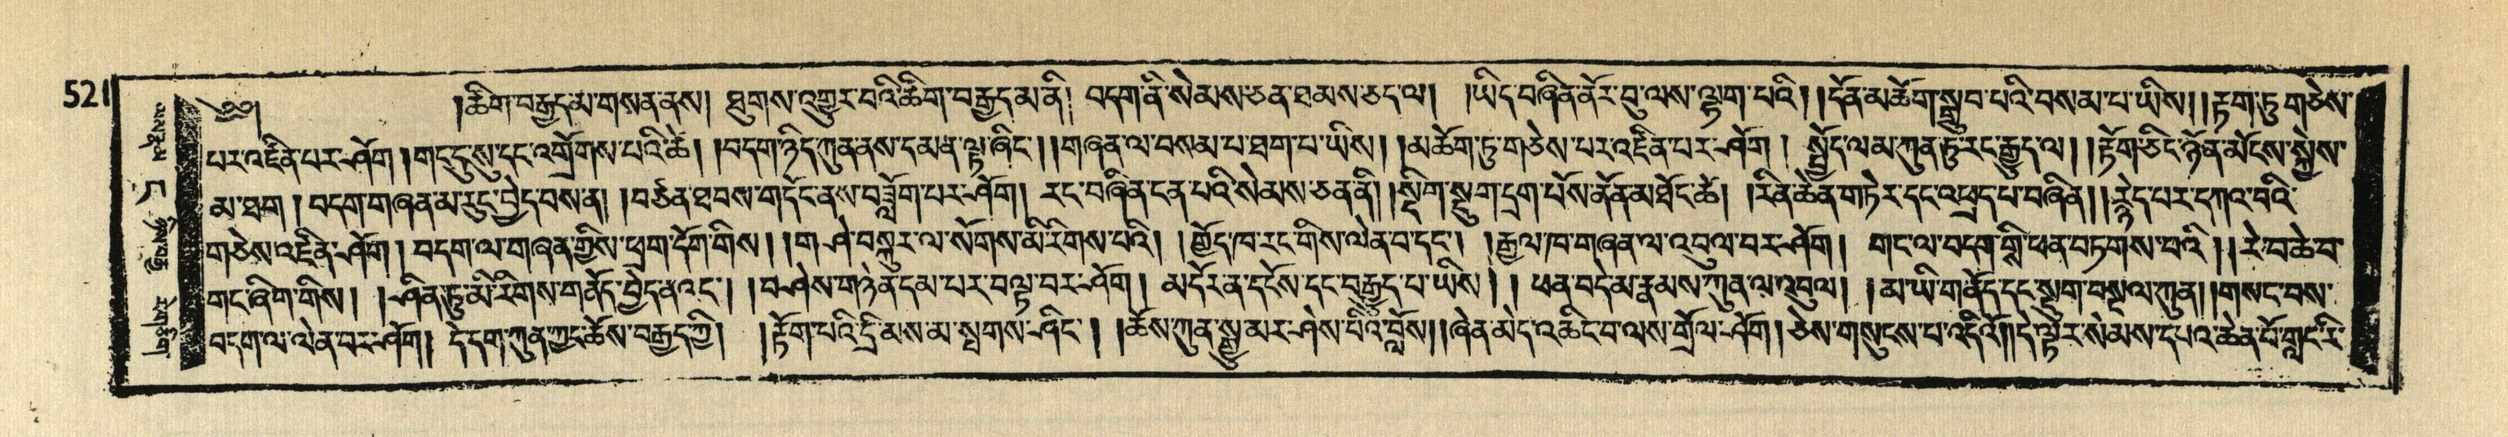༄༅། །ཚིག་བརྒྱད་མ་གསན་ནས། ཐུགས་འགྱུར་བའི་ཚིག་བརྒྱད་མ་ནི། བདག་ནི་སེམས་ཅན་ཐམས་ཅད་ལ། །ཡིད་བཞིན་ནོར་བུ་ལས་ལྷག་པའི། །དོན་མཆོག་སྒྲུབ་པའི་བསམ་པ་ཡིས། །རྟག་ཏུ་གཅེས་
པར་འཛིན་པར་ཤོག །གང་དུ་སུ་དང་འགྲོགས་པའི་ཚེ། །བདག་ཉིད་ཀུན་ནས་དམན་ལྟ་ཞིང་། །གཞན་ལ་བསམ་པ་ཐག་པ་ཡིས། །མཆོག་ཏུ་གཅེས་པར་འཛིན་པར་ཤོག། སྤྱོད་ལམ་ཀུན་ཏུ་རང་རྒྱུད་ལ། །རྟོག་ཅིང་ཉོན་མོངས་སྐྱེས་
མ་ཐག། བདག་གཞན་མ་རུང་བྱེད་བས་ན། །བཙན་ཐབས་གདོང་ནས་བཟློག་པར་ཤོག། རང་བཞིན་ངན་པའི་སེམས་ཅན་ནི། །སྡིག་སྡུག་དྲག་པོས་ནོན་མཐོང་ཚེ། །རིན་ཆེན་གཏེར་དང་འཕྲད་པ་བཞིན། །རྙེད་པར་དཀའ་བའི་
གཅེས་འཛིན་ཤོག། བདག་ལ་གཞན་གྱིས་ཕྲག་དོག་གིས། །གཤེ་བསྐུར་ལ་སོགས་མི་རིགས་པའི། །གྱོད་ཁ་རང་གིས་ལེན་བ་དང་། །རྒྱལ་ཁ་གཞན་ལ་འབུལ་བར་ཤོག། གང་ལ་བདག་གིས་ཕན་བཏགས་པའི། །རེ་བ་ཆེ་བ་
གང་ཞིག་གིས། །ཤིན་ཏུ་མི་རིགས་གནོད་བྱེད་ནའང་། །བཤེས་གཉེན་དམ་པར་བལྟ་བར་ཤོག། མདོར་ན་དངོས་དང་བརྒྱུད་པ་ཡིས། །ཕན་བདེ་མ་རྣམས་ཀུན་ལ་འབུལ། །མ་ཡི་གནོད་དང་སྡུག་བསྔལ་ཀུན། །གསང་བས་
བདག་ལ་ལེན་བར་ཤོག། དེ་དག་ཀུན་ཀྱང་ཆོས་བརྒྱད་ཀྱི། །རྟོག་པའི་དྲི་མས་མ་སྤགས་ཤིང་། །ཆོས་ཀུན་སྒྱུ་མར་ཤེས་པའི་བློས། །ཞེན་མེད་འཆིང་བ་ལས་གྲོལ་ཤོག། ཅེས་གསུངས་པ་འདིའོ། །དེ་ལྟར་སེམས་དཔའ་ཆེན་པོ་གླང་རི་